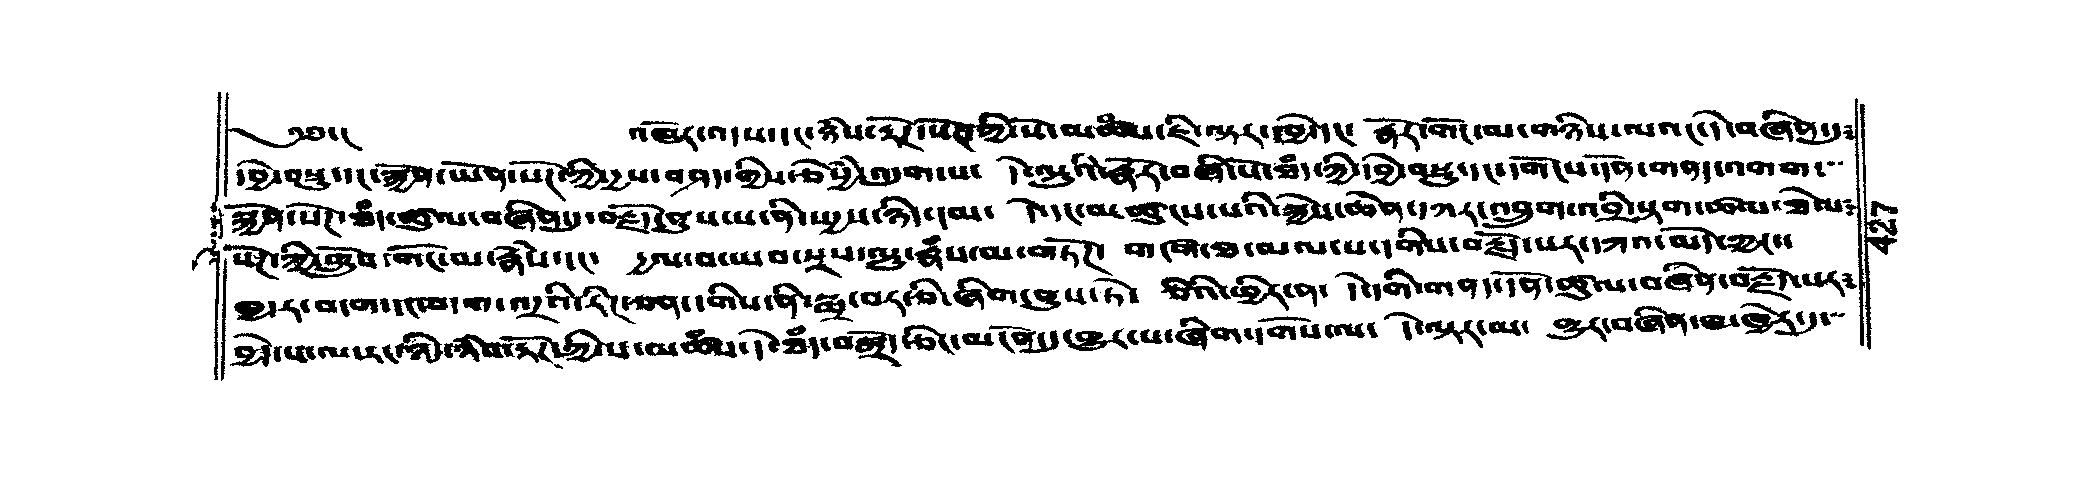འཁོར་འདས་དང་ཉམས་རྟོགས་སོགས་ཀྱི་སོ་མཚམས་ཇི་ལྟར་དབྱེ་དང་། རྣལ་འབྱོར་གོང་མ་གཉིས་ལའང་དེ་བཞིན་དུ་
དབྱེ་བསྡུ་དང་སྐྱོན་ཡོན་སོགས་ཀྱི་རྒྱས་བཤད་གྱིས་ཅེས་གསུངས་འདུག་པ། དེ་ལྟ་བུའི་རྣལ་འབྱོར་བཞི་པོ་ཐམས་ཅད་ཀྱི་དབྱེ་བསྡུ་དང་དགོངས་དོན་གནད་འགག་
སྐྱོན་སོགས་ཐམས་ཅད་ཚུལ་བཞིན་དུ་བརྗོད་ནུས་པ་ནི་སངས་རྒྱས་ཉིད་དམ། དེ་དང།མཚུངས་པའི་སྐྱེས་ཆེན་དཀར་འབྲུག་འབྲི་གུང་སྟག་ཚལ་ཐེལ་
སོགས་ཀྱི་གྲུབ་ཐོབ་གོང་མ་རྣམས་དང་། རྒྱལ་བ་ཡབ་སྲས་ལྟ་བུ་རྣམས་མ་གཏོགས་གདམས་ངག་ཕལ་པ་དག་གིས་བརྗོད་པར་དཀའ་མོད་ཀྱང་། 
ཁྱད་པར་བདག་དང་བདག་འདྲའི་རིགས་ཅན་གིས་ནི་སྒྲ་བར་ཅི་ཞིག་ནུས་ཏེ། ཅིའི་ཕྱིར་ན། དེ་དག་གི་གནད་དོན་ཚུལ་བཞིན་བརྗོད་པར་
བྱེད་པ་ལ་རང་ཉིད་ཉམས་རྟོགས་ཀྱི་ས་མཚམས་དེ་ཐམས་ཅད་བསྒྲོད་ཅིང་མངོན་དུ་གྱུར་པ་ཞིག་དགོས་ལ། དེ་ལྟར་མ་གྱུར་བཞིན་ཁ་ཁྱེར་དུ་